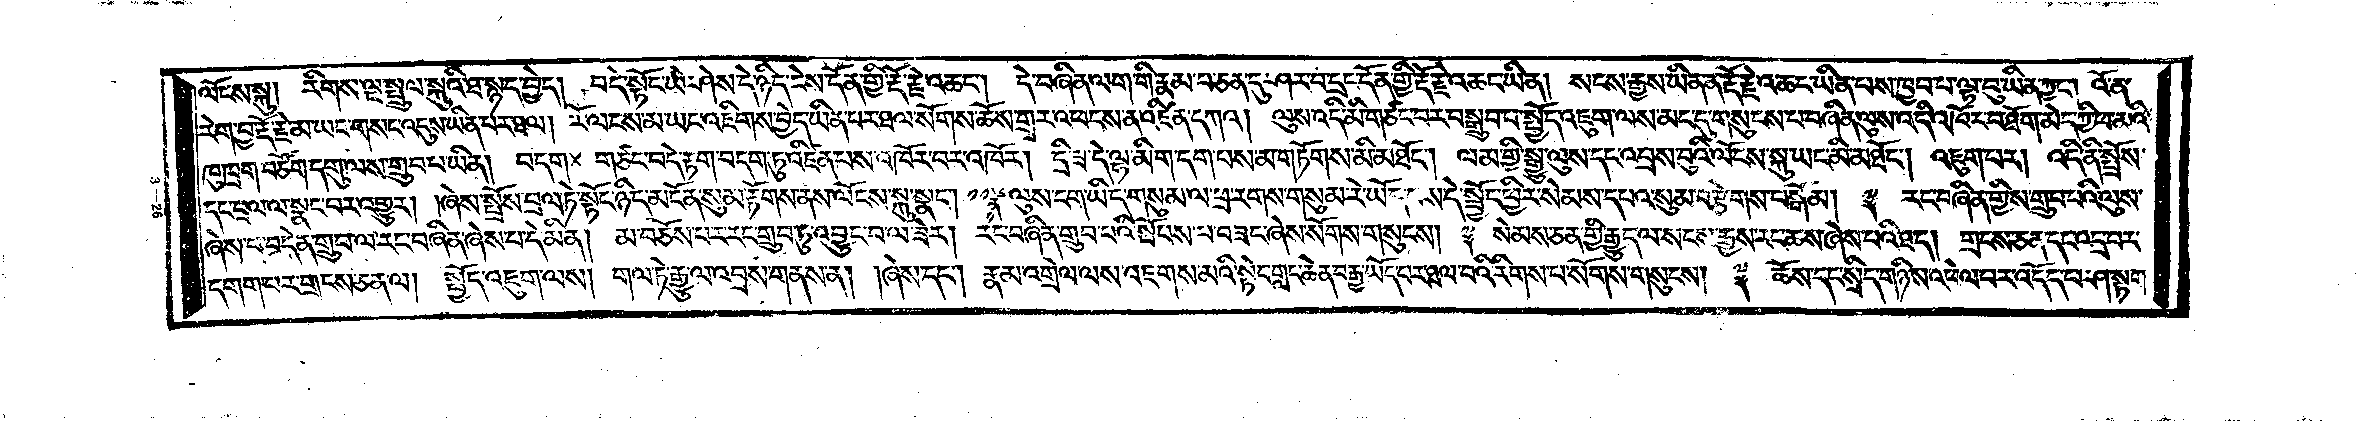ལོངས་སྐུ། རིགས་ལྔ་སྤྲུལ་སྐུའི་ཐ་སྙད་བྱེད། བདེ་སྟོང་ཡེ་ཤེས་དེ་ཉིད་ངེས་དོན་གྱི་རྡོ་རྗེ་འཆང་། དེ་བཞིན་ལག་གི་རྣམ་པ་ཅན་དུ་ཤར་བ་དྲང་དོན་གྱི་རྡོ་རྗེ་འཆང་ཡིན། སངས་རྒྱས་ཡིན་ན་རྡོ་རྗེ་འཆང་ཡིན་པས་ཁྱབ་པ་ལྟ་བུ་ཡིན་ཀྱང་། འོ་ན་
རེག་བྱ་རྡོ་རྗེ་མ་ཡང་གསང་འདུས་ཡིན་པར་ཐལ། རོ་ལངས་མ་ཡང་འཇིགས་བྱེད་ཡིན་པར་ཐལ་སོགས་ཆོས་གྲྭར་འཕངས་ན་འཛིན་དཀའ། ལུས་འདི་མི་གཙང་བར་བསྒྲུབ་པ་སྤྱོད་འཇུག་ལས་མང་དུ་གསུངས་པ་བཞིན་ལུས་འདི་ལ་བར་བ་ཐོག་མེད་ཀྱི་ཕ་མའི་
ཁུ་ཁྲག་བཙོག་དགུ་ལས་གྲུབ་པ་ཡིན། བདག་྾་གཙང་བདེ་རྟག་བདག་ཏུ་འཛིན་པས་འཁོར་བར་འཁོར། དྲི་ཟ་དེ་ལྷ་མིག་དག་པས་མ་གཏོགས་མི་མཐོང་། ལམ་གྱི་སྒྱུ་ལུས་དང་འབྲས་བུའི་ལོངས་སྐུ་ཡང་མི་མཐོང་། འཇུག་པར། འདི་ནི་སྤྲོས་
དང་བྲལ་ལ་སྣང་བར་འགྱུར། །ཞེས་སྤྲོས་བྲལ་ཏེ་སྟོང་ཉིད་མངོན་སུམ་རྟོགས་ནས་ལོངས་སྐུ་སྣང་། ༡༡༦ན༡་ལུས་ངག་ཡིད་གསུམ་ལ་ཕྲ་རགས་གསུམ་རེ་ཡོད་ངས་དེ་སྦྱོང་ཕྱིར་སེམས་དཔའ་སུམ་བརྩེགས་བསྒོམ། ༈ རང་བཞིན་གྱིས་གྲུབ་པའི་ལུས་
ཞེས་པ་བདེན་གྲུབ་ལ་རང་བཞིན་ཞེས་པ་དེ་མིན། མ་བཅོས་པར་རང་གྲུབ་ཏུ་འབྱུང་བ་ལ་ཟེར། རང་བཞིན་གྲུབ་པའི་སྤོབས་པ་བཟང་ཞེས་སོགས་གསུངས། ༈ སེམས་ཅན་གྱི་རྒྱུད་ལ་སངས་རྒྱས་རང་ཆས་ཞེས་པའི་ཐད། གྲངས་ཅན་དང་འདྲ་བར་
དགག་པར་གྲངས་ཅན་ལ། སྤྱོད་འཇུག་ལས། གལ་ཏེ་རྒྱུ་ལ་འབྲས་གནས་ན། །ཞེས་དང་། རྣམ་འགྲེལ་ལས་འཇགས་མའི་སྟེང་གླང་ཆེན་བརྒྱ་ཡོད་པར་ཐལ་བའི་རིགས་པ་སོགས་གསུངས། ༈ ཆོས་དང་སྲིད་གཉིས་འཕེལ་བར་འདོད་པ་ཤ་སྟག་